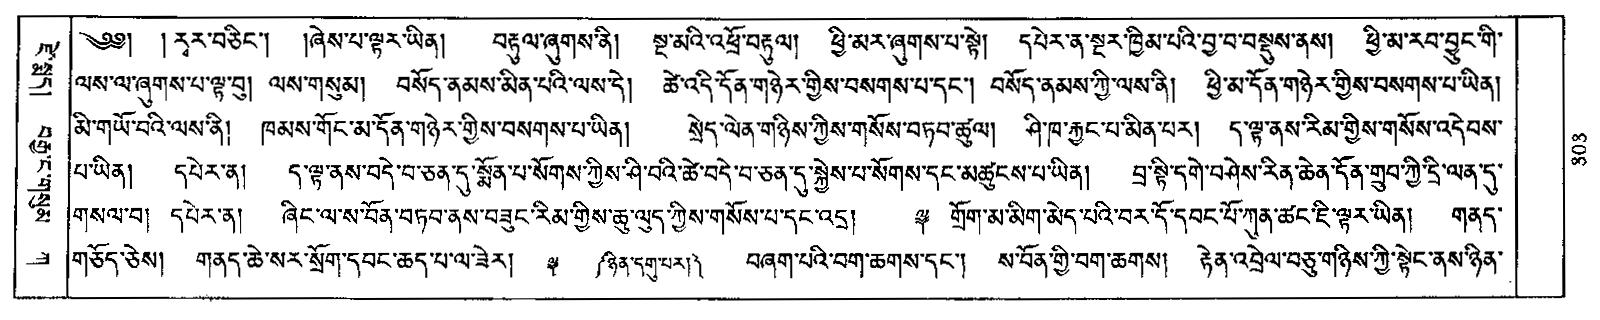༄༅། །རྭར་བཅིང་། །ཞེས་པ་ལྟར་ཡིན། བརྟུལ་ཞུགས་ནི། སྔ་མའི་འཕྲོ་བརྟུལ། ཕྱི་མར་ཞུགས་པ་སྟེ། དཔེར་ན་སྔར་ཁྱིམ་པའི་བྱ་བ་བསྡུས་ནས། ཕྱི་མ་རབ་བྱུང་གི་
ལས་ལ་ཞུགས་པ་ལྟ་བུ། ལས་གསུམ། བསོད་ནམས་མིན་པའི་ལས་དེ། ཚེ་འདི་དོན་གཉེར་གྱིས་བསགས་པ་དང་། བསོད་ནམས་ཀྱི་ལས་ནི། ཕྱི་མ་དོན་གཉེར་གྱིས་བསགས་པ་ཡིན།
མི་གཡོ་བའི་ལས་ནི། ཁམས་གོང་མ་དོན་གཉེར་གྱིས་བསགས་པ་ཡིན། སྲེད་ལེན་གཉིས་ཀྱིས་གསོས་བཏབ་ཚུལ། ཤི་ཁ་རྐྱང་པ་མིན་པར། ད་ལྟ་ནས་རིམ་གྱིས་གསོས་འདེབས་
པ་ཡིན། དཔེར་ན། ད་ལྟ་ནས་བདེ་བ་ཅན་དུ་སྨོན་པ་སོགས་ཀྱིས་ཤི་བའི་ཚེ་བདེ་བ་ཅན་དུ་སྐྱེས་པ་སོགས་དང་མཚུངས་པ་ཡིན། བྲ་སྟི་དགེ་བཤེས་རིན་ཆེན་དོན་གྲུབ་ཀྱི་དྲི་ལན་དུ་
གསལ་བ། དཔེར་ན། ཞིང་ལ་ས་བོན་བཏབ་ནས་བཟུང་རིམ་གྱིས་ཆུ་ལུད་ཀྱིས་གསོས་པ་དང་འདྲ། ༈ གྲོག་མ་མིག་མེད་པའི་བར་དོ་དབང་པོ་ཀུན་ཚང་ཇི་ལྟར་ཡིན། གནད་
གཅོད་ཅེས། གནད་ཆེ་སར་སྲོག་དབང་ཆད་པ་ལ་ཟེར། ༈ ?ཉིན་དགུ་པར། བཞག་པའི་བག་ཆགས་དང་། ས་བོན་གྱི་བག་ཆགས། རྟེན་འབྲེལ་བཅུ་གཉིས་ཀྱི་སྟེང་ནས་ཉིན་